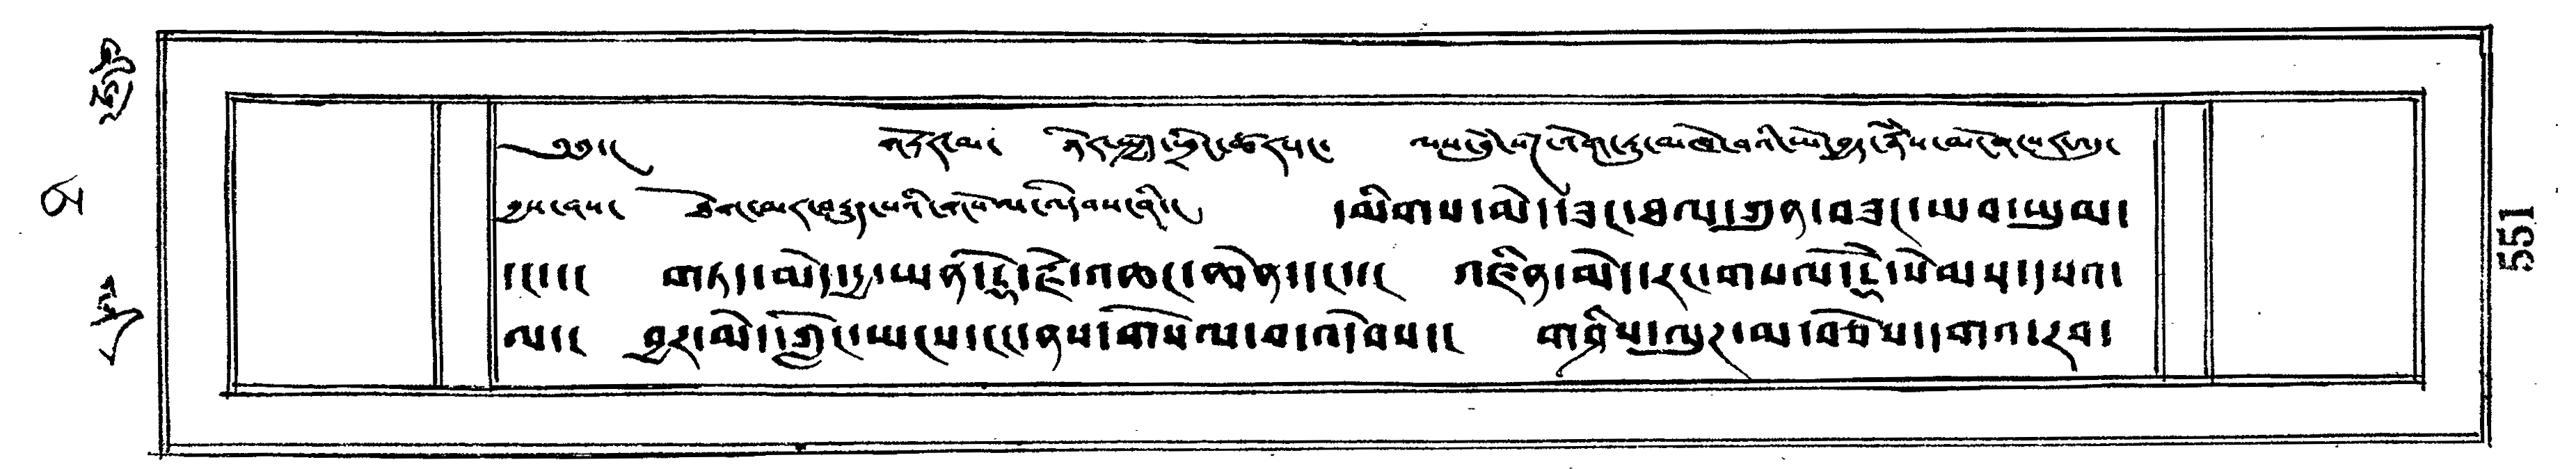གཏོར་མ། ཉེར་སྤྱོད་ཕྲེང་ཚར་དང་། ལས་བུམ་སོགས་འོག་ཏུ་མཁོ་བའི་ཡོ་བྱད་རྣམས་མངོན་པར་འདུ་
བྱས་ནས། ཐོག་མར་བརྒྱུད་པའི་གསོལ་འདེབས་ནི། དམིགས་མེད་ཟང་ཐལ་ཀུན་བཟང་ཡབ་ཡུམ་
དང་། །གཏད་མེད་རྒྱ་ཡན་རྡོ་རྗེ་འཆང་ཆེན་དང་། །འཛིན་མེད་རང་གསལ་རྡོ་རྗེ་སེམས་དཔའ་
ལ། །བྱར་མེད་ཀློང་ཡངས་ངང་ནས་གསོལ་བ་འདེབས། །གཤིས་ལུགས་མ་བཅོས་དགའ་རབ་